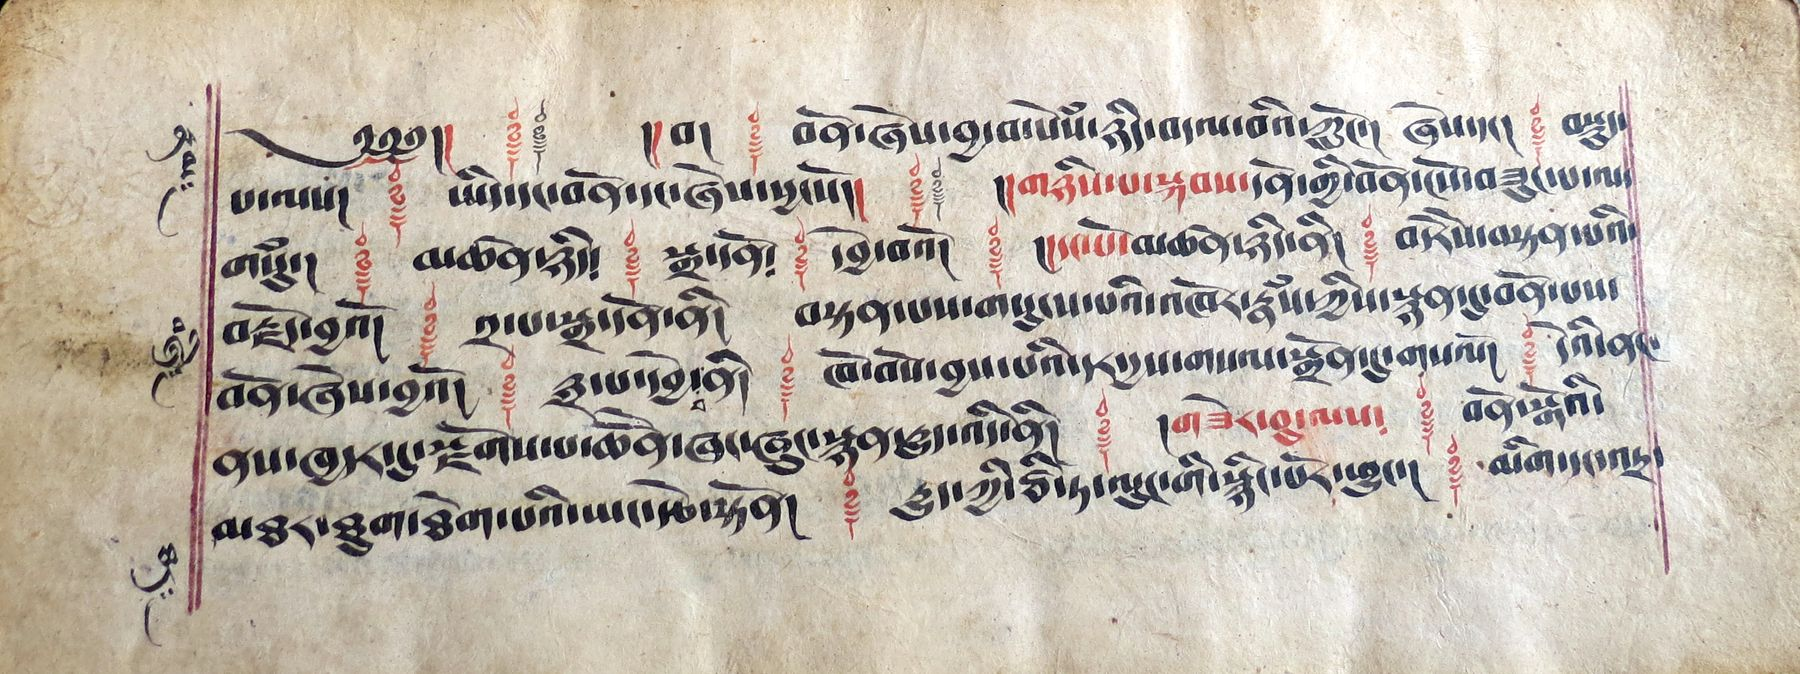བ། བོན་ཞེས་བྱ་བ་སེམས་ཉིད་བདལ་བའི་ཀློང་ཞེས་དང་། (བསྡུད་
པ་ལས) ཡིད་དང་བོན་དང་ཞེས་གསུངས་སོ། ། གཉིས་པ་སྐབས་དོན་གྱི་བོན་ངོས་བཟུང་པ་ལ་
གསུམ། མཚན་ཉིད། སྒྲ་དོན། དབྱེ་བའོ། ། དང་པོ་མཚན་ཉིད་ནི། བདེར་གཤེགས་བསྟན་པའི་
བརྗོད་བྱའོ། ། གཉིས་པ་སྒྲ་དོན་ནི། སྟོན་པས་གསུངས་པ་འཁོར་རྣམས་ཀྱི་སྙན་དུ་བོན་པས་
བོན་ཞེས་བྱའོ། ། གསུམ་པ་དབྱེ་བ་ནི། ཁོ་བོས་བྱས་པའི་དར་རྒྱས་གསལ་སྒྲོན་དུ་གསལ་ལོ། དེའི་ནང་
ནས་ཁྱད་པར་རྫོགས་པ་ཆེན་པོ་ཞང་ཞུང་སྙན་རྒྱུད་འདི་ནི། (གཟེར་བུ་ལས) བོན་སྒོའི་
མཐར་ཐུག་ཐེག་པའི་ཡང་རྩེར་བསྟན། རྒྱུད་ཀྱི་ཙི་ཏ་ལུང་གི་སྙིང་པོར་ཕྱུང་། མིག་དང་འདྲ་